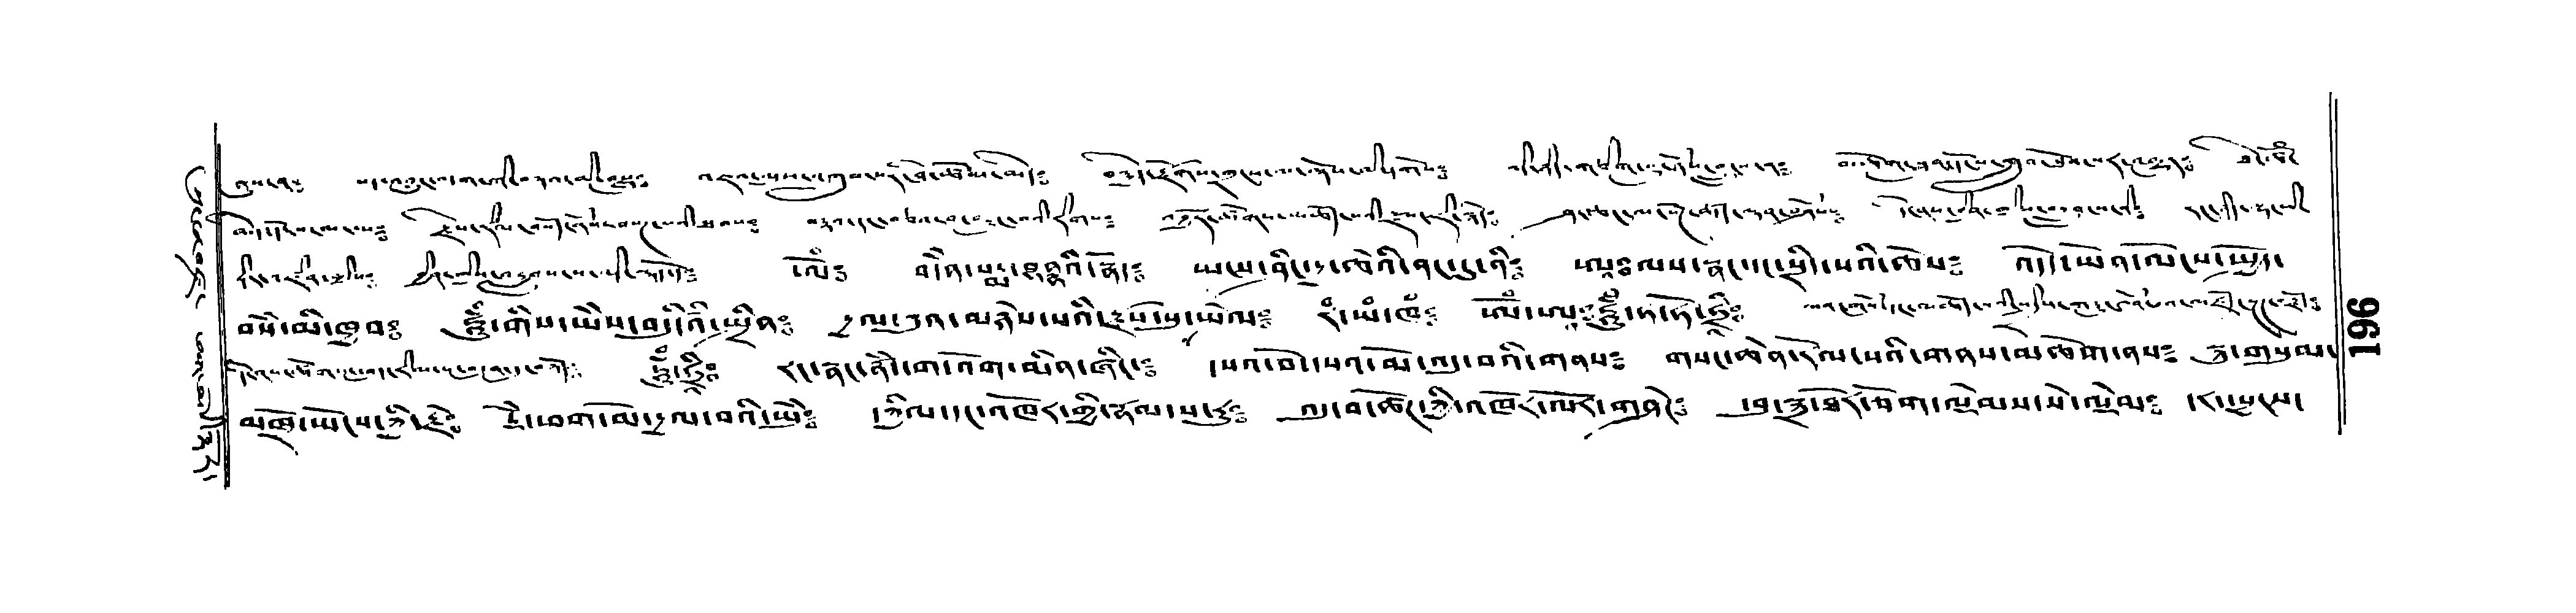ནུས་ན༔ པད་འབྱུང་བདག་གི་བཀའ་མི་བསླུ༔ འཇའ་ལུས་འགྲུབ་པར་ཐེ་ཚོམ་མེད༔ བསྐྱེད་རྫོགས་གྲངས་ལ་ལྟོས་མི་དགོས༔ འདི་ཉིད་གཅིག་པུ་ཉམས་བླངས་ན༔ མཆོག་ཀུན་དངོས་གྲུབ་ཐོབ་པར་འགྱུར༔ ཐེ་ཚོམ་
མེད་དོ་ས་མ་ཡ༔རྗེས་རིམ་བསོད་ནམས་གསོག་པའི་ཐབས༔ བཟའ་དང་བཅའ་བ་བཏུང་བའི་རིགས༔ འབྱོར་ཚོགས་མཆོད་པའི་རྫས་ཇི་སྐེད༔ ཤ་ཆང་ལ་སོགས་ཚད་ལྡན་བཤམས༔ དེ་ནས་བྱིན་གྱིས་བརླབ་པ་ནི༔ རང་ཉིད་ལྷ་ཡི་
ཏིང་འཛིན་གྱིས༔ བྱིན་གྱིས་བརླབ་པ་འདི་སྐད་དོ༔ ཨོཾ༔ བདེ་ཆེན་པདྨ་བྷནྡྷའི་སྣོད༔ ཡངས་ཤིང་རྒྱ་ཆེའི་ནང་དུ་ནི༔ ཨཱཿལས་སྣང་དང་སྲིད་པའི་ཆོས༔ འདོད་ཡོན་ལོངས་སྤྱོད་
བསམ་མི་ཁྱབ༔ ཧཱུྃ་གིས་ཡེ་ཤེས་བདུད་རྩིའི་སྤྲིན༔ རྒྱལ་ཀུན་མཉེས་པའི་རྫས་སུ་སྤེལ༔ རྃ་ཡྃ་ཁྃ༔ ཨོཾ་ཨཱཿཧཱུྃ་ཧ་ཧོ་ཧྲཱིཿ ལན་གསུམ་དང་མཆོད་པའི་སྤྲིན་གཟུངས་ནམ་མཁའ་མཛོད་སྔགས་བརྗོད༔ 
དེ་ནས་ཚོགས་ཕུད་རིམ་པ་བདུན་དུ་བཀོད༔ ཧཱུྃ་ཧྲཱིཿ རང་སྣང་རྣམ་དག་འོག་མིན་ཞིང༔ དཔའ་བོ་དཔའ་མོ་འདུ་བའི་གནས༔ གསང་ཆེན་རོལ་པའི་གནས་མཆོག་ནས༔ སྐུ་གསུམ་
མཁའ་འགྲོ་ཡོངས་ཀྱི་རྗེ༔ རྡོ་རྗེ་ཕག་མོ་རྒྱལ་བའི་ཡུམ༔ དཀྱིལ་དང་འཁོར་གྱི་རྣམ་པ་རུ༔ འདུ་བ་ཚོགས་ཀྱི་འཁོར་ལོར་གཤེགས༔ དབུ་སྐྲ་ཐོར་ཅོག་ལྡེམས་སེ་ལྡེམ༔ དར་དཔྱངས་